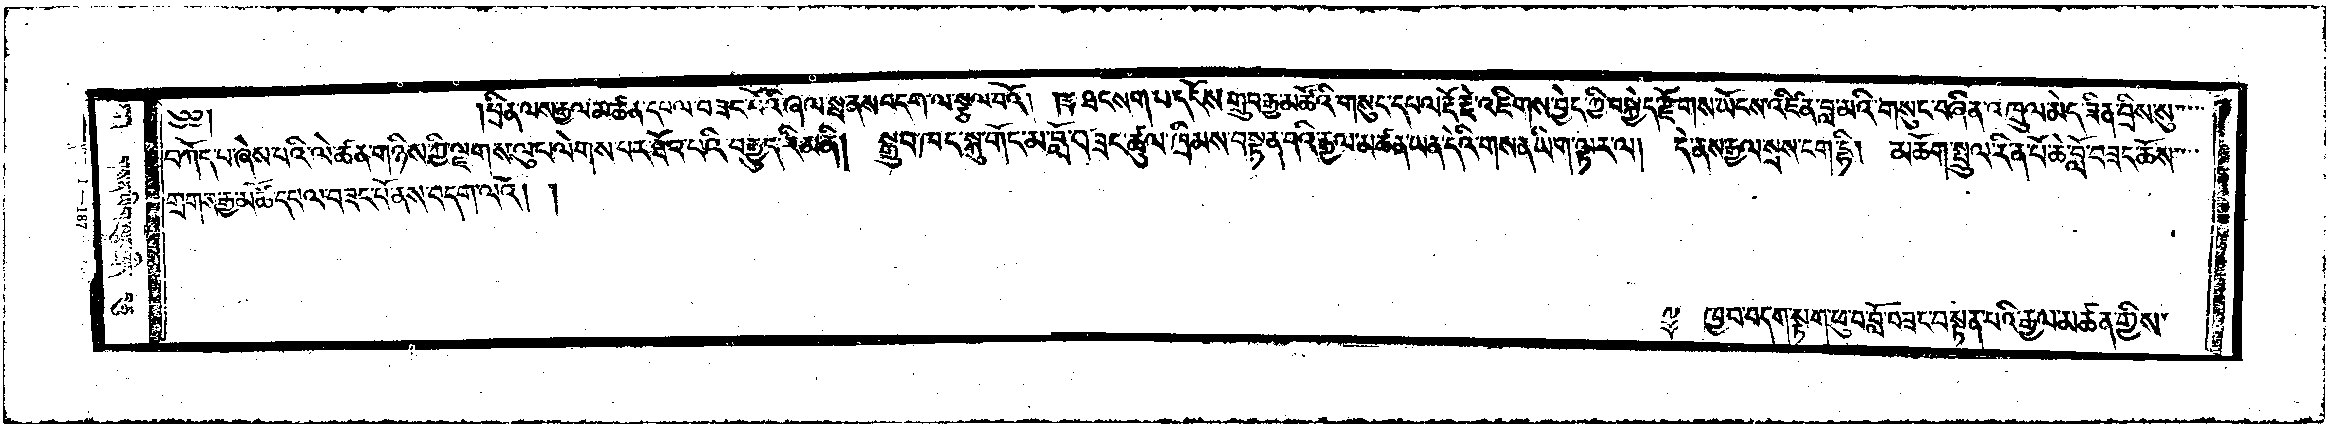༄༅། །ཕྲིན་ལས་རྒྱལ་མཚན་དཔལ་བཟང་པོའི་ཞལ་སྤ་ནས་བདག་ལ་སྩལ་བའོ། །༈ ཐང་སག་པ་དངོས་གྲུབ་རྒྱ་མཚོའི་གསུང་དཔལ་རྡོ་རྗེ་འཇིགས་བྱེད་ཀྱི་བསྐྱེད་རྫོགས་ཡོངས་འཛིན་བླ་མའི་གསུང་བཞིན་འཁྲུལ་མེད་ཟིན་བྲིས་སུ་
བཀོད་པ་ཞེས་པ་འི་ལེ་ཚན་གཉིས་ཀྱི་ལྗགས་ལུང་ལེགས་པར་ཐོབ་པའི་བརྒྱུད་རིམ་ནི། སྒྲུབ་ཁང་སྐུ་གོང་མ་བློ་བཟང་ཚུལ་ཁྲིམས་བསྟན་པའི་རྒྱལ་མཚན་ཡན་དེའི་གསན་ཡིག་ལྟར་ལ། དེ་ནས་རྒྱལ་སྲས་ངག་དྷི། མཆོག་སྤྲུལ་རིན་པོ་ཆེ་བློ་བཟང་ཆོས་
གྲགས་རྒྱ་མཚོ་དཔལ་བཟང་པོ་ནས་བདག་ལའོ། །
༈ ཁྱབ་བདག་སྟག་ཕུ་བ་བློ་བཟང་བསྟན་པའི་རྒྱལ་མཚན་གྱིས་